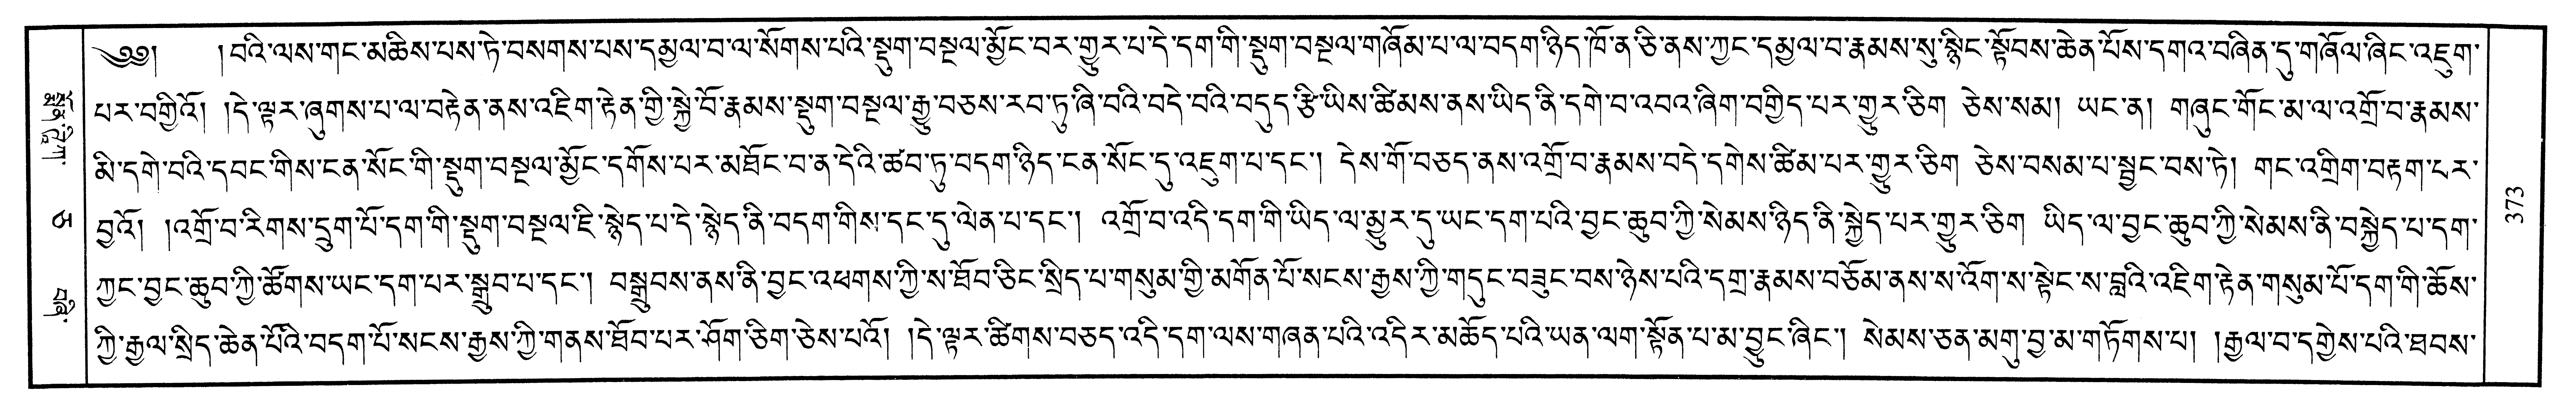༄༅། །བའི་ལས་གང་མཆིས་པས་ཏེ་བསགས་པས་དམྱལ་བ་ལ་སོགས་པའི་སྡུག་བསྔལ་མྱོང་བར་གྱུར་པ་དེ་དག་གི་སྡུག་བསྔལ་གཞོམ་པ་ལ་བདག་ཉིད་ཁོ་ན་ཅི་ནས་ཀྱང་དམྱལ་བ་རྣམས་སུ་སྙིང་སྟོབས་ཆེན་པོས་དགའ་བཞིན་དུ་གཞོལ་ཞིང་འཇུག་
པར་བགྱིའོ། །དེ་ལྟར་ཞུགས་པ་ལ་བརྟེན་ནས་འཇིག་རྟེན་གྱི་སྐྱེ་བོ་རྣམས་སྡུག་བསྔལ་རྒྱུ་བཅས་རབ་ཏུ་ཞི་བའི་བདེ་བའི་བདུད་རྩི་ཡིས་ཚིམས་ནས་ཡིད་ནི་དགེ་བ་འབའ་ཞིག་བགྱིད་པར་གྱུར་ཅིག །ཅེས་སམ། ཡང་ན། གཞུང་གོང་མ་ལ་འགྲོ་བ་རྣམས་
མི་དགེ་བའི་དབང་གིས་ངན་སོང་གི་སྡུག་བསྔལ་མྱོང་དགོས་པར་མཐོང་བ་ན་དེའི་ཚབ་ཏུ་བདག་ཉིད་ངན་སོང་དུ་འཇུག་པ་དང་། དེས་གོ་བཅད་ནས་འགྲོ་བ་རྣམས་བདེ་དགེས་ཚིམ་པར་གྱུར་ཅིག །ཅེས་བསམ་པ་སྦྱང་བས་ཏེ། གང་འགྲིག་བརྟག་པར་
བྱའོ། །འགྲོ་བ་རིགས་དྲུག་པོ་དག་གི་སྡུག་བསྔལ་ཇི་སྙེད་པ་དེ་སྙེད་ནི་བདག་གིས་དང་དུ་ལེན་པ་དང་། འགྲོ་བ་འདི་དག་གི་ཡིད་ལ་མྱུར་དུ་ཡང་དག་པའི་བྱང་ཆུབ་ཀྱི་སེམས་ཉིད་ནི་སྐྱེད་པར་གྱུར་ཅིག །ཡིད་ལ་བྱང་ཆུབ་ཀྱི་སེམས་ནི་བསྐྱེད་པ་དག་
ཀྱང་བྱང་ཆུབ་ཀྱི་ཚོགས་ཡང་དག་པར་སྒྲུབ་པ་དང་། བསྒྲུབ་ནས་ནི་བྱང་འཕགས་ཀྱི་ས་ཐོབ་ཅིང་སྲིད་པ་གསུམ་གྱི་མགོན་པོ་སངས་རྒྱས་ཀྱི་གདུང་བཟུང་བས་ཉེས་པའི་དགྲ་རྣམས་བཅོམ་ནས་ས་འོག་ས་སྟེང་ས་བླའི་འཇིག་རྟེན་གསུམ་པོ་དག་གི་ཆོས་
ཀྱི་རྒྱལ་སྲིད་ཆེན་པོའི་བདག་པོ་སངས་རྒྱས་ཀྱི་གནས་ཐོབ་པར་ཤོག་ཅིག་ཅེས་པའོ། །དེ་ལྟར་ཚིགས་བཅད་འདི་དག་ལས་གཞན་པའི་འདིར་མཆོད་པའི་ཡན་ལག་སྟོན་པ་མ་བྱུང་ཞིང་། སེམས་ཅན་མགུ་བྱ་མ་གཏོགས་པ། །རྒྱལ་བ་དགྱེས་པའི་ཐབས་